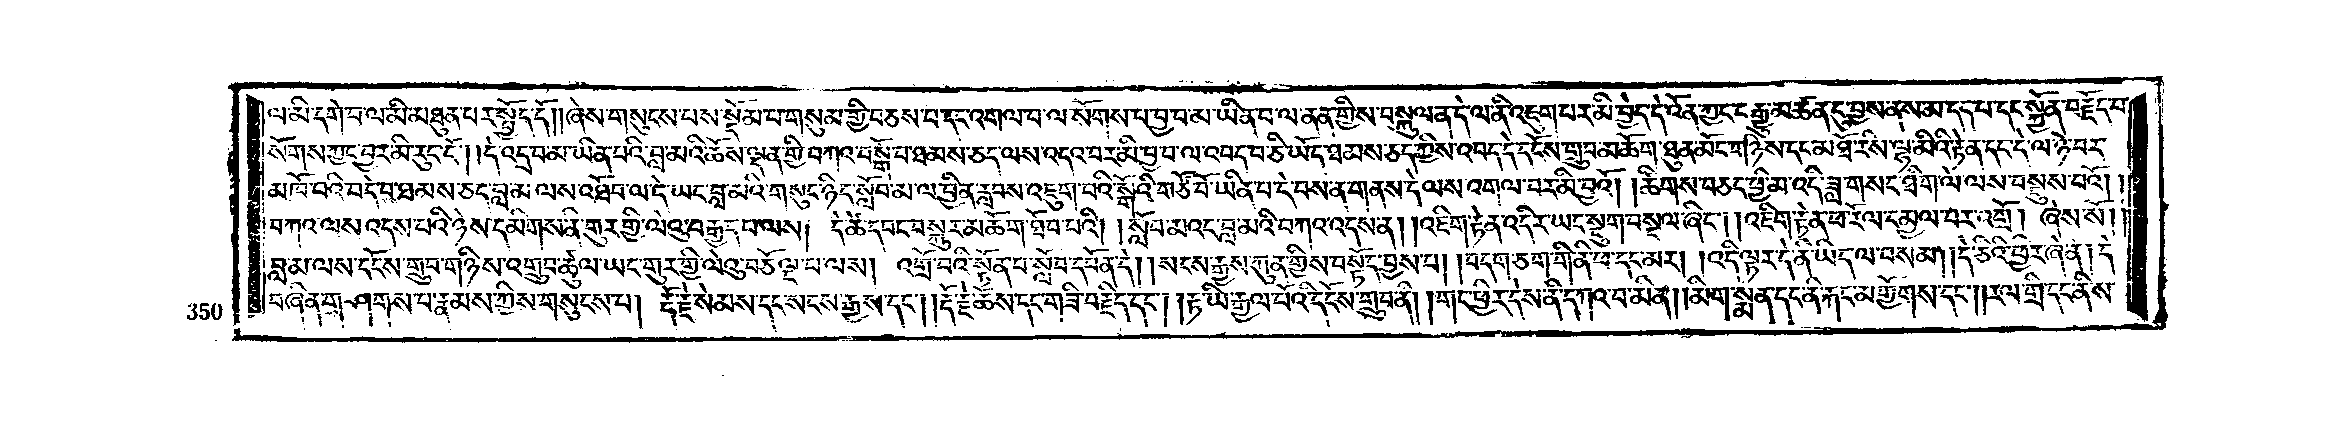ལ་མི་དགེ་བ་ལ་མི་མཐུན་པར་སྤྱོད་དོ། །ཞེས་གསུངས་པས་སྡོམ་པ་གསུམ་གྱི་བཅས་པ་དང་འགལ་བ་ལ་སོགས་པ་བྱ་བ་མ་ཡིན་པ་ལ་ནན་གྱིས་བསྐུལ་ན་དེ་ལ་ནི་འཇུག་པར་མི་བྱེད་དེ་འོན་ཀྱང་ང་རྒྱུ་མཚན་དུ་བྱས་ནས་མ་དད་པ་དང་སྐྱོན་བརྗོད་པ་
སོགས་ཀྱང་བྱར་མི་རུང་ངོ། །དེ་འདྲ་བ་མ་ཡིན་པའི་བླ་མའི་ཆོས་ལྡན་གྱི་བཀའ་བསྒོ་བ་ཐམས་ཅད་ལས་འདའ་བར་མི་བྱ་བ་ལ་འབད་བ་ཅི་ཡོད་ཐམས་ཅད་ཀྱིས་འབད་དེ་དངོས་གྲུབ་མཆོག་ཐུན་མོང་གཉིས་དང་མཐོ་རིས་ལྷ་མིའི་རྟེན་དང་དེ་ལ་ཉེ་བར་
མཁོ་བའི་བདེ་བ་ཐམས་ཅད་བླ་མ་ལས་འཐོབ་ལ་དེ་ཡང་བླ་མའི་གསུང་ཉིད་སློབ་མ་ལ་བྱིན་རླབས་འཇུག་པའི་སྒོའི་གཙོ་བོ་ཡིན་པ་དེ་བས་ན་གནས་དེ་ལས་འགལ་བར་མི་བྱའོ། །ཚིགས་བཅད་ཕྱི་མ་འདི་ཟླ་གསང་ཐིག་ལེ་ལས་བསྡུས་པའོ། །
བཀའ་ལས་འདས་པའི་ཉེས་དམིགས་ནི་གུར་གྱི་ལེའུ་བརྒྱད་པ་ལས། དེ་ཚེ་དབང་བསྐུར་མཆོག་ཐོབ་པའི། །སློབ་མའང་བླ་མའི་བཀའ་འདས་ན། །འཇིག་རྟེན་འདིར་ཡང་སྡུག་བསྔལ་ཞིང་། །འཇིག་རྟེན་ཕ་རོལ་དམྱལ་བར་འགྲོ། ཞེས་སོ། །
བླ་མ་ལས་དངོས་གྲུབ་གཉིས་འགྲུབ་ཚུལ་ཡང་གུར་གྱི་ལེའུ་བཅོ་ལྔ་པ་ལས། འགྲོ་བའི་སྟོན་པ་སློབ་དཔོན་དེ། །སངས་རྒྱས་ཀུན་གྱིས་བསྟོད་བྱས་པ། །བདག་ཅག་གི་ནི་ཕ་དང་མར། །འདི་ལྟར་དེ་ནི་ཡིད་ལ་བསམ། །དེ་ཅིའི་ཕྱིར་ཞེ་ན། དེ་
བཞིན་གཤེགས་པ་རྣམས་ཀྱིས་གསུངས་པ། རྡོ་རྗེ་སེམས་དང་སངས་རྒྱས་དང་། །རྡོ་རྗེ་ཆོས་དང་གཟི་བརྗིད་དང་། །རྟ་ཡི་རྒྱལ་པོའི་དངོས་གྲུབ་ནི། །གང་ཕྱིར་དེས་ནི་དཀའ་བ་མིན། །མིག་སྨན་དང་ནི་རྐང་མགྱོགས་དང་། །རལ་གྲི་དང་ནི་ས་